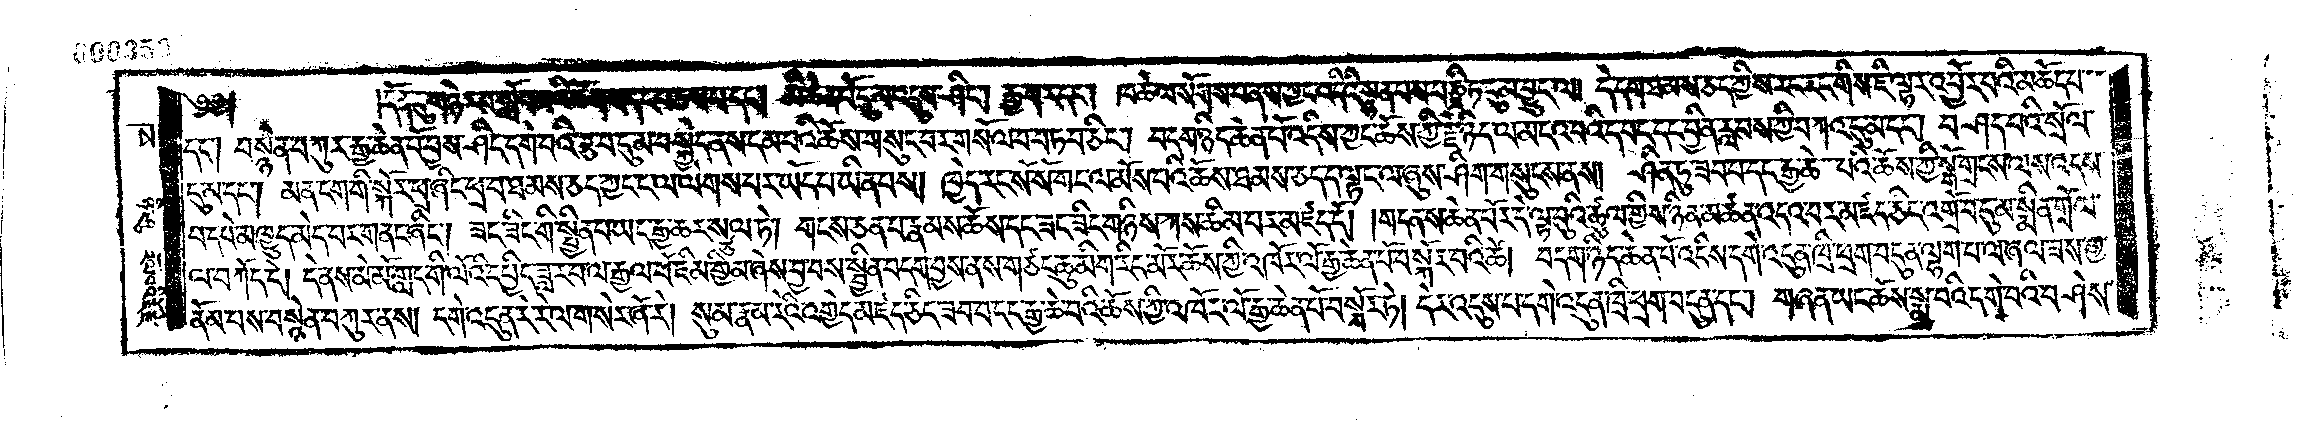༄༅། །དོན་དུ་གཉེར་བ་སློབ་མའི་ཚོགས་དང་བཅས་པ་དང་། མི་ཆེན་བོ་དུ་མ་འདུས་ཤིང་། རྒྱ་གར་དང་། ཁ་ཆེ་ལ་སོགས་པ་ནས་ཀྱང་འདིའི་སྙན་པས་པཎྜི་ཏ་དུ་མ་བྱུང་ལ། དེ་དག་ཐམས་ཅད་ཀྱིས་རང་རང་གིས་ཇི་ལྟར་འབྱོར་བའི་མཆོད་པ་
དང་། བསྙེན་བཀུར་རྒྱ་ཆེན་པོ་བྱས་ཤིང་དགེ་བའི་རྩ་བ་དུ་མ་བསྐྱེད་ནས་དམ་པའི་ཆོས་གསུངས་བར་གསོལ་བ་བཏབ་ཅིང་། བདག་ཉིད་ཆེན་པོ་འདིས་ཀྱང་ཆོས་ཀྱི་རྗེ་ཉིད་ལ་མངའ་བའི་དབང་དང་བྱིན་རླབས་ཀྱི་བཀའ་དུ་མ་དང་། བཤད་པའི་སྲོལ་
དུ་མ་དང་། མན་ངག་གི་སྐོར་ཕྲ་ཞིང་ཕྲ་བ་ཐམས་ཅད་ཀྱང་ང་ལ་ལེགས་པར་ཡོད་པ་ཡིན་པས། ཁྱེད་རང་སོ་སོ་གང་ལ་མོས་པའི་ཆོས་ཐམས་ཅད་ད་ལྟ་ང་ལ་ཞུས་ཤིག་གསུངས་ནས། ཤིན་ཏུ་ཟབ་པ་དང་རྒྱ་ཆེ་པའི་ཆོས་ཀྱི་སྒོ་གྲངས་ལས་འདས་
པ་དཔེ་མཁྱུད་མེད་པར་གནང་ཞིང་། ཟང་ཟིང་གི་སྤྱིན་པ་ཡང་རྒྱ་ཆར་སྩལ་ཏེ། གངས་ཅན་པ་རྣམས་ཆོས་དང་ཟང་ཟིང་གཉིས་ཀས་ཚིམ་བར་མཛད་དོ། །གདན་ས་ཆེན་པོར་དེ་ལྟ་བུའི་ཚུལ་གྱིས་ཉིན་མཚན་འདའ་བར་མཛད་ཅིང་འགྲོ་བ་དུ་མ་སྨིན་གྲོལ་
ལ་བཀོད་དེ། དེ་ནས་མེ་མོ་གླང་གི་ལོའི་དཔྱིད་ཟླ་ར་བ་ལ་རྒྱལ་བོ་ཇིམ་གྱིམ་ཞེས་བྱ་བས་སྦྱིན་བདག་བྱས་ནས་གཙང་ཆུ་མིག་རིང་མོར་ཆོས་ཀྱི་འཁོར་ལོ་རྒྱ་ཆེན་པོ་བསྐོར་བའི་ཚེ། བདག་ཉིད་ཆེན་པོ་འདིས་དགེ་འདུན་ཁྲི་ཕྲག་བདུན་ལྷག་པ་ལ་ཞལ་ཟས་གྱ་
ནོམ་བས་བསྙེན་བཀུར་ནས། དགེ་འདུན་རེ་རེ་ལ་གསེར་ཞོ་རེ། སུམ་རྣམ་རེའི་འགྱེད་མཛད་ཅིང་ཟབ་པ་དང་རྒྱ་ཆེ་བའི་ཆོས་ཀྱི་འཁོར་ལོ་རྒྱ་ཆེན་པོ་བསྐོར་ཏེ། དེར་འདུས་པ་དགེ་འདུན་ཁྲི་ཕྲག་བདུན་དང་། གཞན་ཡང་ཆོས་སྨྲ་བའི་དགེ་བའི་བཤེས་